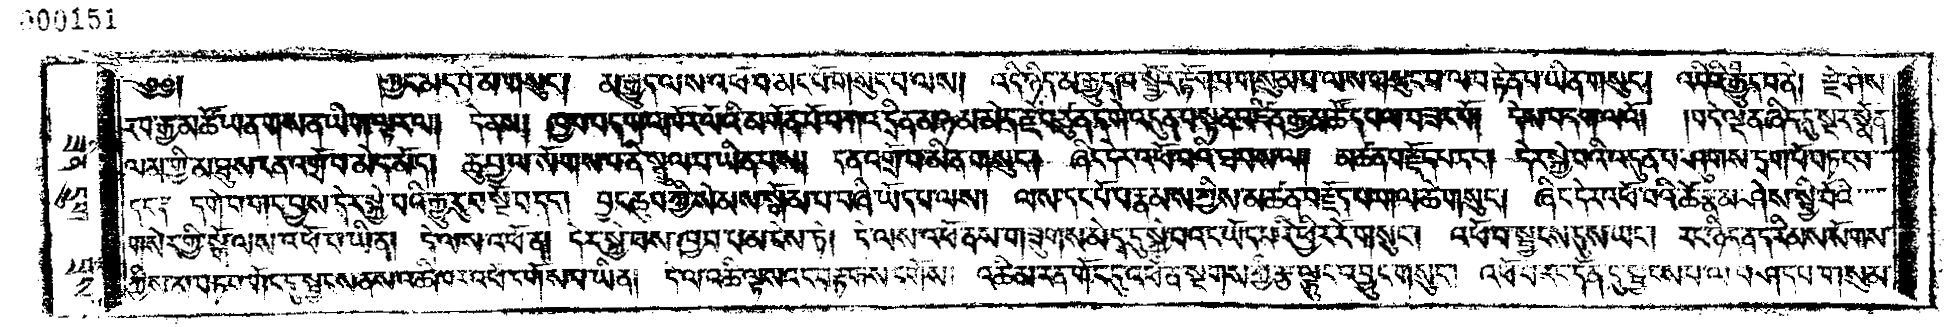༄༅། །ཀྱང་མང་པོ་མ་གསུང་། མ་རྒྱུད་ལས་འཕོ་བ་མང་པོ་གསུང་བ་ལས། འདི་ཉིད་མ་རྒྱུད་ཁ་སྦྱོར་རྟོག་པ་གསུམ་པ་ལས་གསུང་བ་ལ་བརྟེན་པ་ཡིན་གསུང་། འདིའི་རྒྱུད་བ་ནི། རྗེ་ཤེས་
རབ་རྒྱ་མཚོ་ཡན་གསན་ཡིག་ལྟར་ལ། དེ་ནས། ཁྱབ་བདག་འཁོར་ལོའི་མགོན་པོ་བཀའ་དྲིན་མཉམ་མེད་རྗེ་བཙུན་དགེ་འདུན་བསྟན་འཛིན་རྒྱ་མཚོ་དཔལ་བཟང་པོ། དེས་བདག་ལའོ། །བདེ་ལྡན་ཞིང་དུ་སྔར་སྨོན་
ལམ་གྱི་མཐུས་ངན་འགྲོ་བ་མེད་མོད། ཆུ་བྱ་ལ་སོགས་པ་ནི་སྤྲུལ་པ་ཡིན་པས། ངན་འགྲོ་བ་མིན་གསུང་། ཞིང་དེར་འཕོ་བའི་ཐབས་ལ། མཚན་བརྗོད་པ་དང་། དེར་སྐྱེ་བའི་འདུན་པ་ཤུགས་དྲག་པོ་བཏང་བ་
དང༑ དགེ་བ་གང་བྱས་དེར་སྐྱེ་བའི་རྒྱུ་རུ་བསྔོ་བ་དང་། བྱང་ཆུབ་ཀྱི་སེམས་སྒོམ་པ་བཞི་ཡོད་པ་ལས། ལས་དང་པོ་པ་རྣམས་ཀྱིས་མཚན་བརྗོད་པ་གལ་ཆེ་གསུང་། ཞིང་དེར་འཕོ་བའི་ཚེ་རྣམ་ཤེས་སྤྱི་བོའི་
གསེར་གྱི་སྒོ་ལས་འཕོ་བ་ཡིན། དེ་ལས་འཕོ་ན། དེར་སྐྱེ་བས་ཁྱབ་པ་མ་ངེས་ཏེ། དེ་ལས་འཕོ་ནས་གཟུགས་མེད་དུ་སྐྱེ་བའང་ཡོད་པའི་ཕྱིར་རོ་གསུང་། འཕོ་བ་སྦྱངས་དུས་ཡང་། རང་ཉིད་ནད་རིམས་སོགས་
ཀྱིས་མ་བཏབ་གོང་དུ་སྦྱངས་ནས་འཆི་ཁར་འཕོ་དགོས་པ་ཡིན། དེ་ལ་འཆི་ལྟས་འང་བརྟགས་དགོས། འཆི་མ་རན་གོང་དུ་འཕོ་ན་སྔགས་ཀྱི་རྩ་ལྟུང་འབྱུང་གསུང་། འཕོ་བ་རང་དོན་དུ་སྦྱངས་པ་ལ་བཤད་པ་གསུམ་